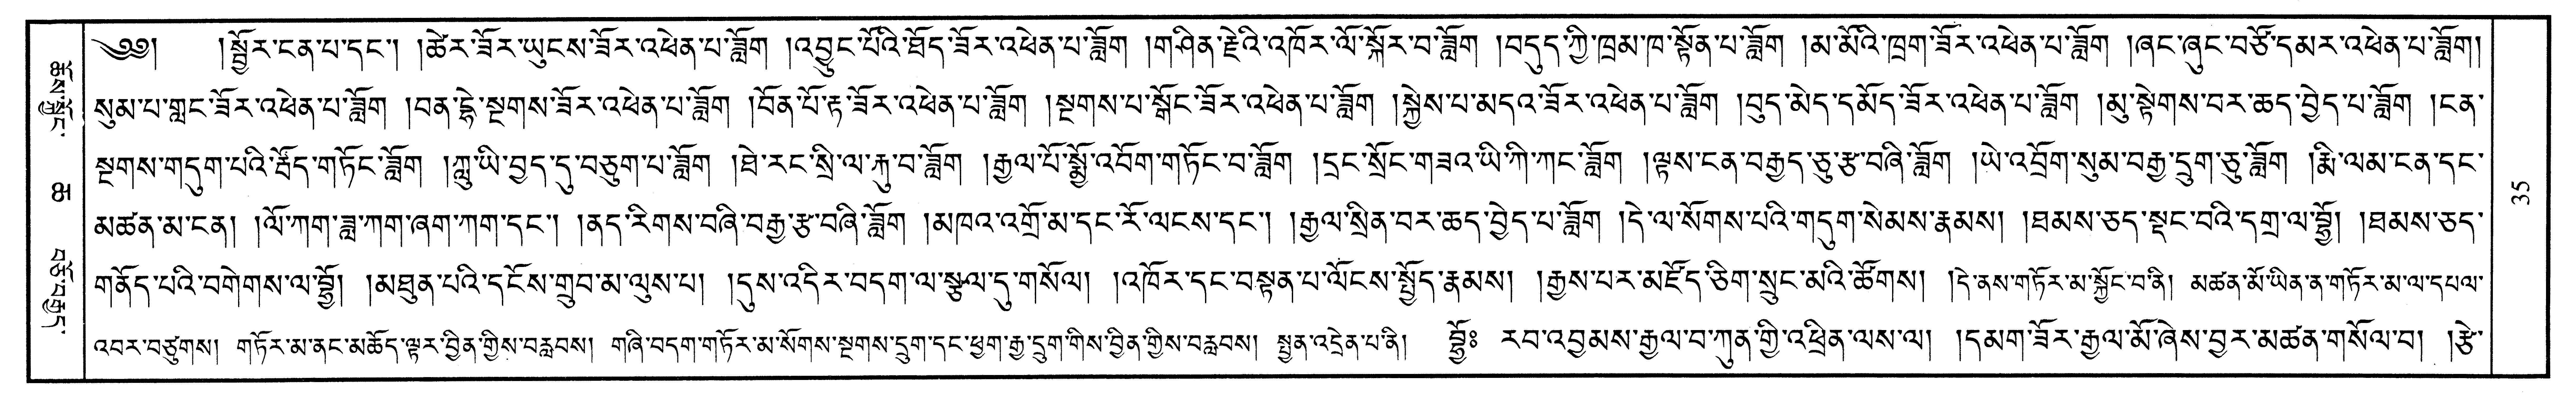༄༅། །སྦྱོར་ངན་པ་དང་། །ཚེར་ཟོར་ཡུངས་ཟོར་འཕེན་པ་ཟློག །འབྱུང་པོའི་ཐོད་ཟོར་འཕེན་པ་ཟློག །གཤིན་རྗེའི་འཁོར་ལོ་སྐོར་བ་ཟློག །བདུད་ཀྱི་ཁྲམ་ཁ་སྟོན་པ་ཟློག །མ་མོའི་ཁྲག་ཟོར་འཕེན་པ་ཟློག །ཞང་ཞུང་བཙོ་དམར་འཕེན་པ་ཟློག།
སུམ་པ་གླང་ཟོར་འཕེན་པ་ཟློག །བན་དྷེ་སྔགས་ཟོར་འཕེན་པ་ཟློག །བོན་པོ་རྟ་ཟོར་འཕེན་པ་ཟློག །སྔགས་པ་སྒོང་ཟོར་འཕེན་པ་ཟློག །སྐྱེས་པ་མདའ་ཟོར་འཕེན་པ་ཟློག །བུད་མེད་དམོད་ཟོར་འཕེན་པ་ཟློག །མུ་སྟེགས་བར་ཆད་བྱེད་པ་ཟློག །ངན་
སྔགས་གདུག་པའི་རྦོད་གཏོང་ཟློག །ཀླུ་ཡི་བྱད་དུ་བཅུག་པ་ཟློག །ཐེ་རང་སྲི་ལ་རྐུ་བ་ཟློག །རྒྱལ་པོ་སྨྱོ་འབོག་གཏོང་བ་ཟློག །དྲང་སྲོང་གཟའ་ཡི་ཀི་ཀང་ཟློག །ལྟས་ངན་བརྒྱད་ཅུ་རྩ་བཞི་ཟློག །ཡེ་འབྲོག་སུམ་བརྒྱ་དྲུག་ཅུ་ཟློག །རྨི་ལམ་ངན་དང་
མཚན་མ་ངན། །ལོ་ཀག་ཟླ་ཀག་ཞག་ཀག་དང་། །ནད་རིགས་བཞི་བརྒྱ་རྩ་བཞི་ཟློག །མཁའ་འགྲོ་མ་དང་རོ་ལངས་དང་། །རྒྱལ་སྲིན་བར་ཆད་བྱེད་པ་ཟློག །དེ་ལ་སོགས་པའི་གདུག་སེམས་རྣམས། །ཐམས་ཅད་སྡང་བའི་དགྲ་ལ་བྷྱོ། །ཐམས་ཅད་
གནོད་པའི་བགེགས་ལ་བྷྱོ། །མཐུན་པའི་དངོས་གྲུབ་མ་ལུས་པ། །དུས་འདིར་བདག་ལ་སྩལ་དུ་གསོལ། །འཁོར་དང་བསྟན་པ་ལོངས་སྤྱོད་རྣམས། །རྒྱས་པར་མཛོད་ཅིག་སྲུང་མའི་ཚོགས། །དེ་ནས་གཏོར་མ་སྐྱོང་བ་ནི། མཚན་མོ་ཡིན་ན་གཏོར་མ་ལ་དཔལ་
འབར་བཙུགས། གཏོར་མ་ནང་མཆོད་ལྟར་བྱིན་གྱིས་བརླབས། གཞི་བདག་གཏོར་མ་སོགས་སྔགས་དྲུག་དང་ཕྱག་རྒྱ་དྲུག་གིས་བྱིན་གྱིས་བརླབས། སྤྱན་འདྲེན་པ་ནི། བྷྱོཿ རབ་འབྱམས་རྒྱལ་བ་ཀུན་གྱི་འཕྲིན་ལས་ལ། །དམག་ཟོར་རྒྱལ་མོ་ཞེས་བྱར་མཚན་གསོལ་བ། །རྩེ་